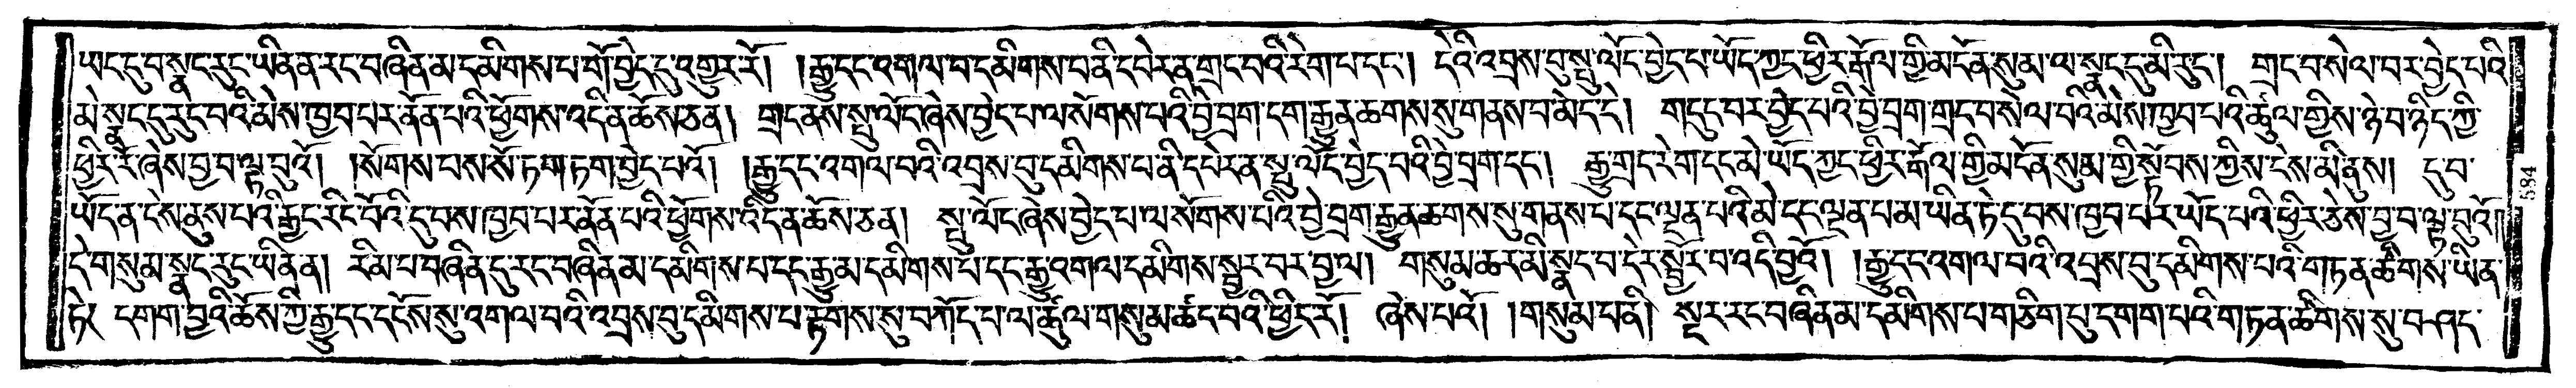ཡང་དུ་བ་སྣང་རུང་ཡིན་ན་རང་བཞིན་མ་དམིགས་པ་གོ་བྱེད་དུ་འགྱུར་རོ། །རྒྱུ་དང་འགལ་བ་དམིགས་པ་ནི་དཔེར་ན་གྲང་བའི་རེག་པ་དང་། དེའི་འབྲས་བུ་སྤུ་ལོང་བྱེད་པ་ཡོད་ཀྱང་ཕྱིར་རྒོལ་གྱི་མངོན་སུམ་ལ་སྣང་དུ་མི་རུང་། གྲང་བ་སེལ་བར་བྱེད་པའི་
མེ་སྣང་དུ་རུང་བའི་མེས་ཁྱབ་པར་ནོན་པའི་ཕྱོགས་འདི་ན་ཆོས་ཅན། གྲང་ནས་སྤུ་ལོང་ཞེས་བྱེད་པ་ལ་སོགས་པའི་བྱེ་བྲག་དག་རྒྱུན་ཆགས་སུ་གནས་པ་མེད་དེ། གདུང་བར་བྱེད་པའི་བྱེ་བྲག་གྲང་བ་སེལ་བའི་མེས་ཁྱབ་པའི་ཚུལ་གྱིས་ཉེ་བ་ཉིད་ཀྱི་
ཕྱིར་རོ་ཞེས་བྱ་བ་ལྟ་བུའོ། །སོགས་པས་སོ་ཏག་ཏག་བྱེད་པའོ། །རྒྱུ་དང་འགལ་བའི་འབྲས་བུ་དམིགས་པ་ནི་དཔེར་ན་སྤུ་ལོང་བྱེད་པའི་བྱེ་བྲག་དང་། རྒྱུ་གྲང་རེག་དང་མེ་ཡོད་ཀྱང་ཕྱིར་རྒོལ་གྱི་མངོན་སུམ་གྱི་སྟོབས་ཀྱིས་ངེས་མི་ནུས། དུ་བ་
ཡོད་ན་ངེས་ནུས་པའི་རྒྱང་རིང་བོའི་དུ་བས་ཁྱབ་པར་ནོན་པའི་ཕྱོགས་འདི་ན་ཆོས་ཅན། སྤུ་ལོང་ཞེས་བྱེད་པ་ལ་སོགས་པའི་བྱེ་བྲག་རྒྱུན་ཆགས་སུ་གནས་པ་དང་ལྡན་པའི་མེ་དང་ལྡན་པ་མ་ཡིན་ཏེ་དུ་བས་ཁྱབ་པར་ཡོད་པའི་ཕྱིར་ཅེས་བྱ་བ་ལྟ་བུའོ།།
དེ་གསུམ་སྣང་རུང་ཡིན་ན། རིམ་པ་བཞིན་དུ་རང་བཞིན་མ་དམིགས་པ་དང་རྒྱུ་མ་དམིགས་པ་དང་རྒྱུ་འགལ་དམིགས་སྦྱར་བར་བྱ་ལ། གསུམ་ཆར་མི་སྣང་བ་དེར་སྦྱོར་བ་འདི་བྱའོ། །རྒྱུ་དང་འགལ་བའི་འབྲས་བུ་དམིགས་པའི་གཏན་ཚིགས་ཡིན་
ཏེ༑ དགག་བྱའི་ཆོས་ཀྱི་རྒྱུ་དང་དངོས་སུ་འགལ་བའི་འབྲས་བུ་དམིགས་པ་རྟགས་སུ་བཀོད་པ་ལ་ཚུལ་གསུམ་ཚང་བའི་ཕྱིར་རོ། ཞེས་པའོ། །གསུམ་པ་ནི། སྔར་རང་བཞིན་མ་དམིགས་པ་གཅིག་པུ་དགག་པའི་གཏན་ཚིགས་སུ་བཤད་